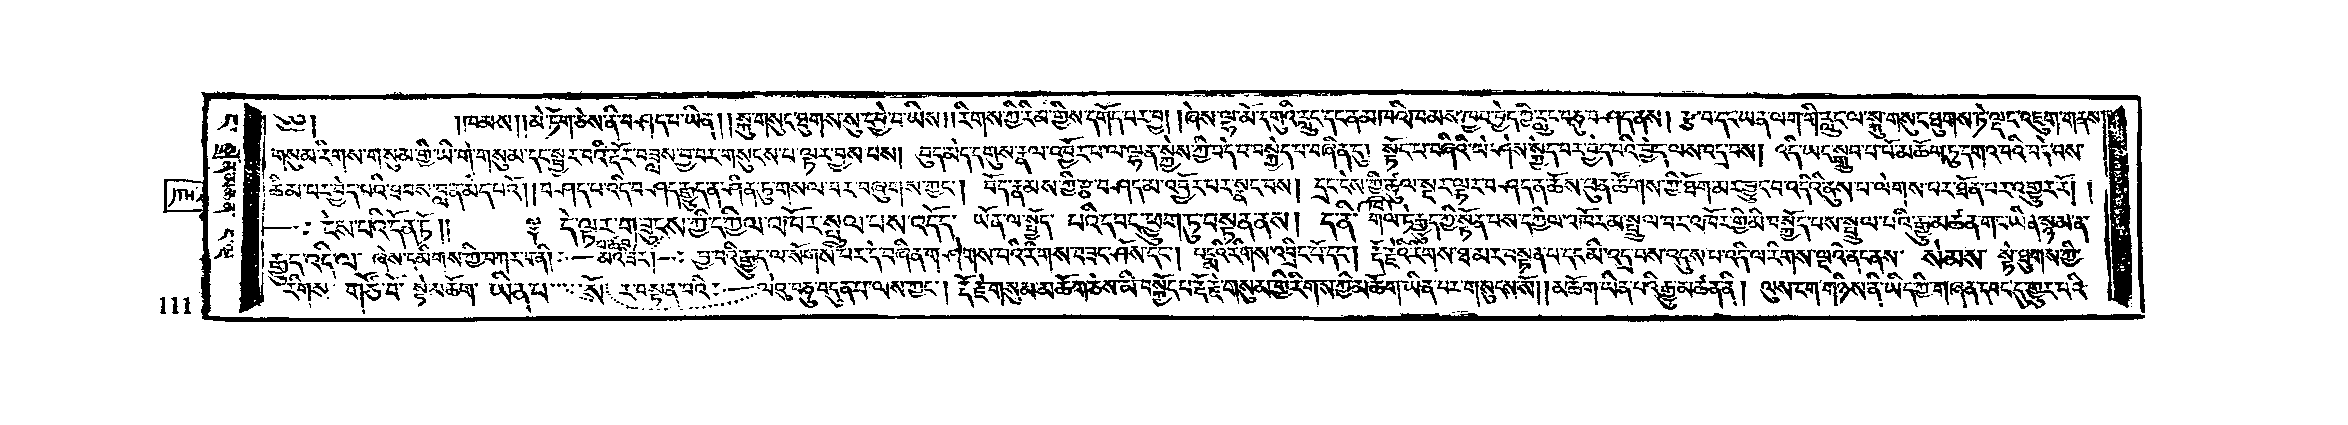༄༅་། །ཁམས། །མེ་ཏོག་ཅེས་ནི་བཤད་པ་ཡིན། །སྐུ་གསུང་ཐུགས་སུ་དབྱེ་བ་ཡིས། །རིགས་ཀྱི་རིམ་གྱིས་དགོད་པར་བྱ། །ཞེས་ལྷ་མོ་དགུའི་རླུང་དང་ནམ་མཁའི་ཁམས་ཁྱབ་བྱེད་ཀྱི་རླུང་བཅུ་བཤད་ནས། རྩ་བ་དང་ཡན་ལག་གི་རླུང་ལ་སྐུ་གསུང་ཐུགས་ཏེ་ལྡང་འཇུག་གནས་
གསུམ་རིགས་གསུམ་གྱི་ཡི་གེ་གསུམ་དང་སྦྱར་བའི་རྡར་བཟླས་བྱ་བར་གསུངས་པ་ལྟར་བྱས་པས། བུད་མེད་དགུས་རྣལ་འབྱོར་པ་ལ་ལྷན་སྐྱེས་ཀྱི་བདེ་བ་བསྐྱེད་པ་བཞིན་དུ། སྟོང་པ་བཞིའི་ཡེ་ཤེས་སྐྱེད་པར་བྱེད་པའི་བྱེད་ལས་འདྲ་བས། འདི་ཡང་སྒྲུབ་པ་པོ་མཆོག་ཏུ་དགའ་བའི་བདེ་བས་
ཚིམ་པར་བྱེད་པའི་ཐབས་བླ་ན་མེད་པའོ། །བཤད་པ་འདི་བཤད་རྒྱུད་ན་ཤིན་ཏུ་གསལ་བར་བཞུགས་ཀྱང་། བོད་རྣམས་ཀྱི་རྩ་བཤད་མ་འབྱོར་པར་སྣང་བས། དྲང་ངེས་ཀྱི་ཚུལ་སྔར་ལྟར་བཤད་ན་ཆོས་ཕུན་ཚོགས་ཀྱི་ཐོག་མར་བྱུང་བ་འདིའི་ནུས་པ་ལེགས་པར་ཐོན་པར་འགྱུར་རོ། །
.Hངེས་པའི་དོན་ཏོ།། ༈ དེ་ལྟར་གཟུངས་ཀྱི་དཀྱིལ་འཁོར་སྤྲུལ་པས་འདོད་ཡོན་ལ་སྤྱོད་པའི་དབང་ཕྱུག་ཏུ་བསྟན་ནས། ད་ནི་?ཁ྄་གལ་ཏེ་རྒྱུད་ཀྱི་སྟོན་པས་དཀྱིལ་འཁོར་མ་སྤྲུལ་བར་འཁོར་གྱི་མི་བསྐྱོད་པས་སྤྲུལ་པའི་རྒྱུ་མཚན་གང་ཡིན་སྙམ་ན
རྒྱུད་འདི་ལ་ཞེས་དམིགས་ཀྱི་བཀར་བ་ནི་H.་པ་ཚབ་མའི་ཟར། .H བྱ་བའི་རྒྱུད་ལ་སོགས་པར་དེ་བཞིན་གཤེགས་པའི་རིགས་བཟང་ཤོས་དང་། པདམའི་རིགས་འབྲིང་པོ་དང་། རྡོ་རྗེའི་རིགས་ཐ་མར་བསྟན་པ་དང་མེ་འདྲ་བས་འདུས་པ་འདི་ལ་རིགས་ལྔའི་ནང་ནས་སྟེམས་སྟེ་ཐུགས་ཀྱི
རིགས་གཙོ་བོ་སྟེ་མཆོག་ཡིན་པ་སོ་ར་བསྟན་པའི་ལེའུ་བཅུ་བདུན་པ་ལས་ཀྱང་། རྡོ་རྗེ་གསུམ་མཆོག་ཅེས་མི་བསྐྱོད་པ་རྡོ་རྗེ་གསུམ་གྱི་རིགས་ཀྱི་མཆོག་ཡིན་པར་གསུངས་སོ། །མཆོག་ཡིན་པའི་རྒྱུ་མཚན་ནི། ལུས་ངག་གཉིས་ནི་ཡིད་ཀྱི་གཞན་དབང་དུ་གྱུར་པའི་